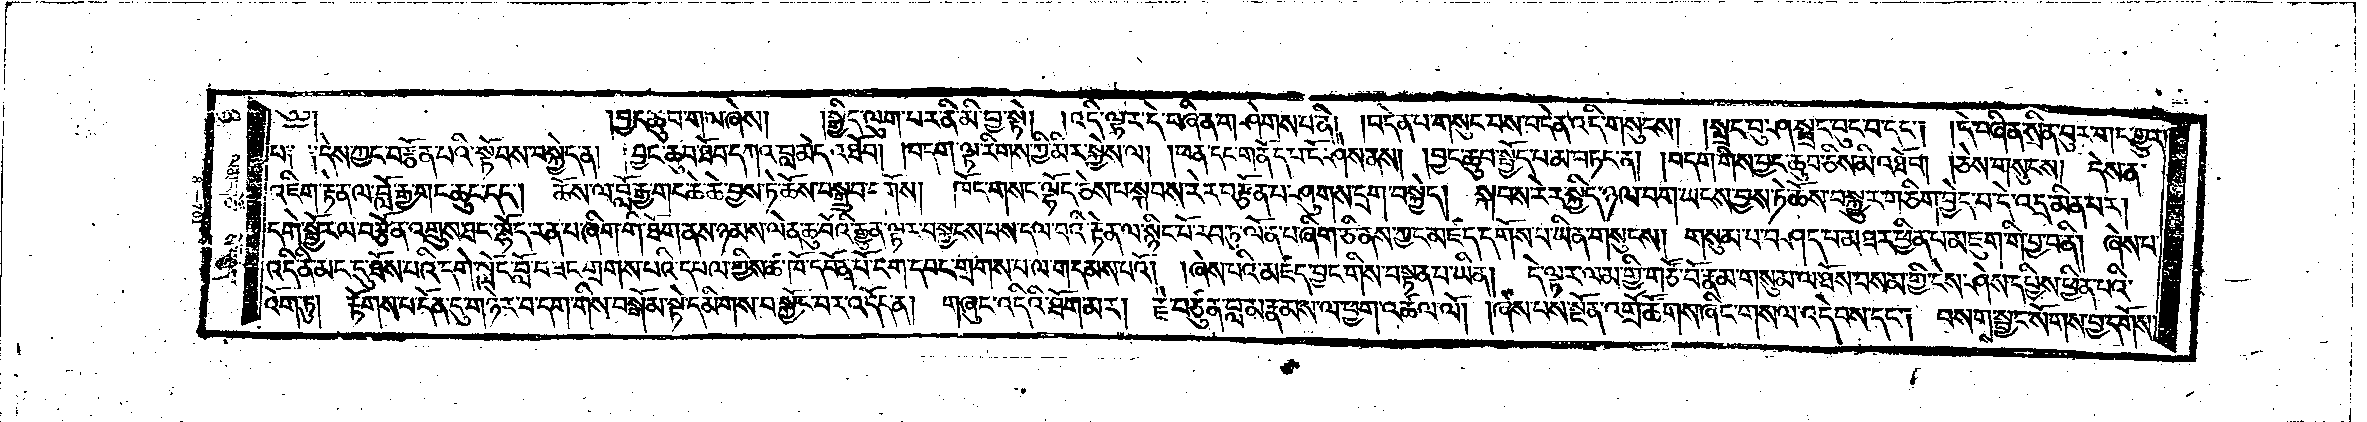༄༅། །བྱང་ཆུབ་ག་ལ་ཞེས། །སྒྱིད་ལུག་པར་ནི་མི་བྱ་སྟེ། །འདི་ལྟར་དེ་བཞིན་གཤེགས་པ་ནི། །བདེན་པ་གསུང་བས་བདེན་འདི་གསུངས། །སྦྲང་བུ་ཤ་སྦྲང་བུང་བ་དང་། །དེ་བཞིན་སྲིན་བུར་གང་གྱུར་
པ༑ ༑དེས་ཀྱང་བརྩོན་པའི་སྟོབས་བསྐྱེད་ན། །བྱང་ཆུབ་ཐོབ་དཀའ་བླ་མེད་འཐོབ། །བདག་ལྟ་རིགས་ཀྱི་མིར་སྐྱེས་ལ། །ཕན་དང་གནོད་པ་ངོ་ཤེས་ནས། །བྱང་ཆུབ་སྤྱོད་པ་མ་བཏང་ན། །བདག་གིས་བྱང་ཆུབ་ཅིས་མི་འཐོབ། །ཅེས་གསུངས། དེས་ན་
འཇིག་རྟེན་ལ་བློ་རྒྱ་གང་ཆུང་དང་། ཆོས་ལ་བློ་རྒྱ་གང་ཆེ་ཆེ་བྱས་ཏེ་ཆོས་བསྒྲུབ་དགོས། ཁོང་གསང་ལྷོད་ཅེས་པ་སྐབས་རེར་བརྩོན་པ་ཤུགས་དྲག་བསྐྱེད། སྐབས་རེར་སྐྱིད་ཉལ་བག་ཡངས་བྱས་ཏེ་ཆོས་བསྐྱུར་གཅིག་བྱེད་པ་དེ་འདྲ་མིན་པར།
དགེ་སྦྱོར་ལ་བརྩོན་འགྲུས་ཐང་ལྷོད་རན་པ་ཞིག་གི་ཐོག་ནས་ཉམས་ལེན་ཆུ་བོའི་རྒྱུན་ལྟར་བསྐྱངས་པས་དལ་བའི་རྟེན་ལ་སྙིང་པོ་རབ་ཏུ་ལོན་པ་ཞིག་ཅི་ནས་ཀྱང་མཛད་དགོས་པ་ཡིན་གསུངས། གསུམ་པ་བཤད་པ་མཐར་ཕྱིན་པ་མཇུག་གི་བྱ་བ་ནི། ཞེས་པ་
འདི་ནི་མང་དུ་ཐོས་པའི་དགེ་སློང་བློ་བཟང་གྲགས་པའི་དཔལ་གྱིས་ཚ་ཁོ་དབོན་པོ་ངག་དབང་གྲགས་པ་ལ་གདམས་པའོ། །ཞེས་པའི་མཛད་བྱང་གིས་བསྟན་པ་ཡིན། དེ་ལྟར་ལམ་གྱི་གཙོ་བོ་རྣམ་གསུམ་ལ་ཐོས་བསམ་གྱི་ངེས་ཤེས་དཔྱིས་ཕྱིན་པའི་
འོག་ཏུ། རྟོགས་པ་དོན་དུ་གཉེར་བ་དག་གིས་བསྒོམ་སྟེ་དམིགས་པ་སྐྱོང་བར་འདོད་ན། གཞུང་འདིའི་ཐོག་མར། རྗེ་བཙུན་བླ་མ་རྣམས་ལ་ཕྱག་འཚལ་ལོ། །ཞེས་པས་སྔོན་འགྲོ་ཚོགས་ཞིང་གསལ་འདེབས་དང༑ བསགས་སྦྱང་སོགས་བྱ་དགོས་